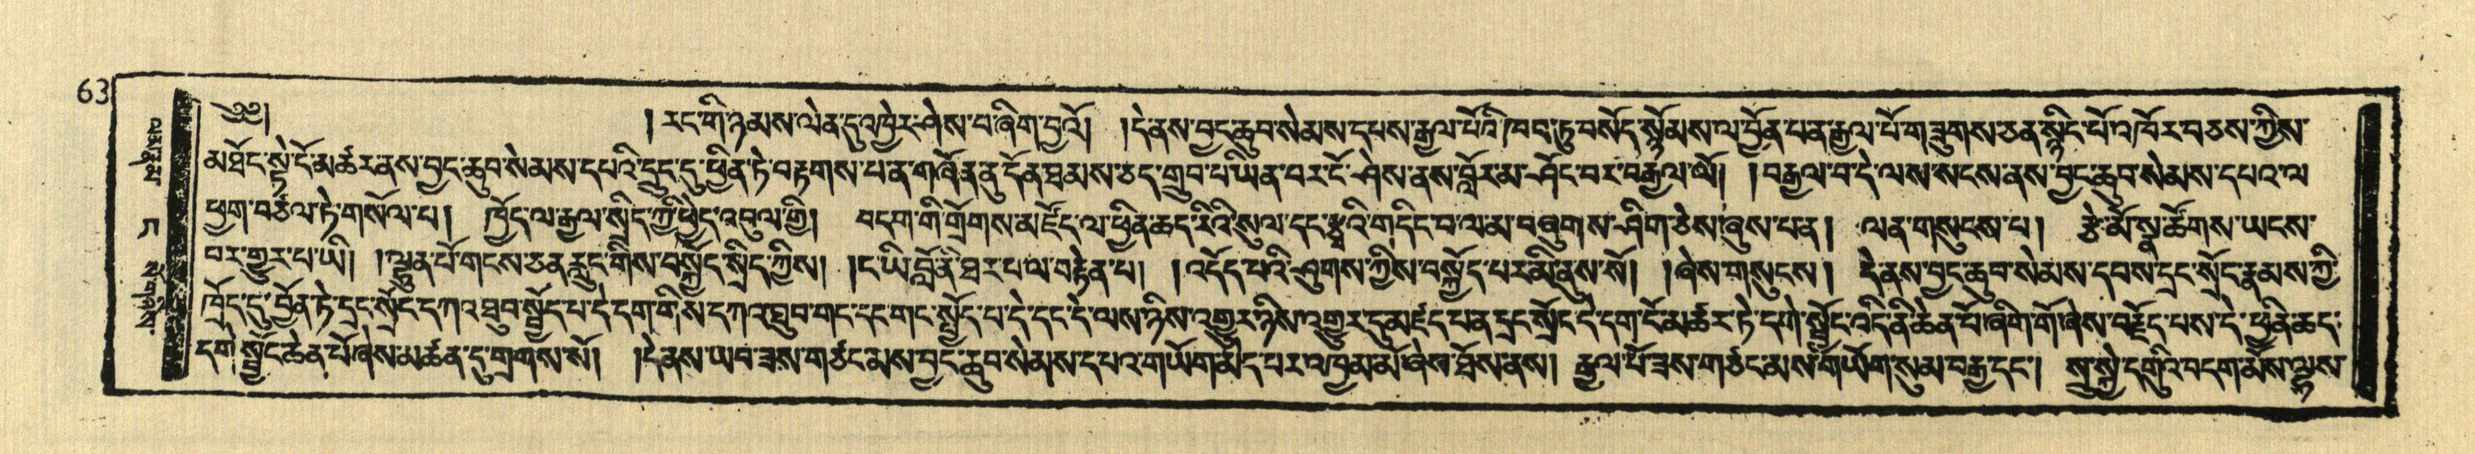༄༅། །རང་གི་ཉམས་ལེན་དུ་འཁྱེར་ཤེས་པ་ཞིག་བྱའོ། །དེ་ནས་བྱང་ཆུབ་སེམས་དཔས་རྒྱལ་པོའི་ཁབ་ཏུ་བསོད་སྙོམས་ལ་བྱོན་པ་ན་རྒྱལ་པོ་གཟུགས་ཅན་སྙིང་པོ་འཁོར་བཅས་ཀྱིས་
མཐོང་སྟེ་ངོ་མཚར་ནས་བྱང་ཆུབ་སེམས་དཔའི་དྲུང་དུ་ཕྱིན་ཏེ་བརྟགས་པན་གཞོན་ནུ་དོན་ཐམས་ཅད་གྲུབ་པ་ཡིན་པར་ངོ་ཤེས་ནས་བློར་མ་ཤོང་བར་བརྒྱལ་ལོ། །བརྒྱལ་བ་དེ་ལས་སངས་ནས་བྱང་ཆུབ་སེམས་དཔའ་ལ་
ཕྱག་བཙལ་ཏེ་གསོལ་པ། ཁྱོད་ལ་རྒྱལ་སྲིད་ཀྱི་ཕྱེད་འབུལ་གྱི། བདག་གི་གྲོགས་མཛོད་ལ་ཕྱིན་ཆད་རིའི་སུལ་དང་རྩྭའི་གདིང་བ་ལ་མ་བཞུགས་ཤིག་ཅེས་ཞུས་པ་ན། ལན་གསུངས་པ། རྩེ་མོ་སྣ་ཚོགས་ཡངས་
པར་གྱུར་པ་ཡི། །ལྷུན་པོ་གངས་ཅན་རླུང་གིས་བསྐྱོད་སྲིད་ཀྱིས། །ང་ཡི་བློ་ནི་ཐར་པ་ལ་བརྟེན་པ། །འདོད་པའི་ཤུགས་ཀྱིས་བསྐྱོད་པར་མི་ནུས་སོ། །ཞེས་གསུངས། དེ་ནས་བྱང་ཆུབ་སེམས་དབས་དྲང་སྲོང་རྣམས་ཀྱི་
ཁྲོད་དུ་བྱོན་ཏེ་དྲང་སྲོང་དཀའ་ཐུབ་སྦྱོད་པ་དེ་དག་གིས་དཀའ་ཐུབ་གང་དང་གང་སྤྱོད་པ་དེ་དང་དེ་ལས་ཉིས་འགྱུར་ཉིས་འགྱུར་དུ་མཛད་པ་ན་དྲང་སྲོང་དེ་དག་ངོ་མཚར་ཏེ་དགེ་སྦྱོང་འདི་ནི་ཆེན་པོ་ཞིག་གོ་ཞེས་བརྗོད་པས་དེ་ཕྱིན་ཆད་
དགེ་སྦྱོང་ཆེན་པོ་ཞེས་མཚན་དུ་གྲགས་སོ། །དེ་ནས་ཡབ་ཟས་གཙང་མས་བྱང་ཆུབ་སེམས་དཔའ་གཡོག་མེད་པར་འཁྱམ་མོ་ཞེས་ཐོས་ནས། རྒྱལ་པོ་ཟས་གཙང་མས་གཡོག་སུམ་བརྒྱ་དང་། སྲུ་སྐྱེ་དགུའི་བདག་མོས་ལྷས་